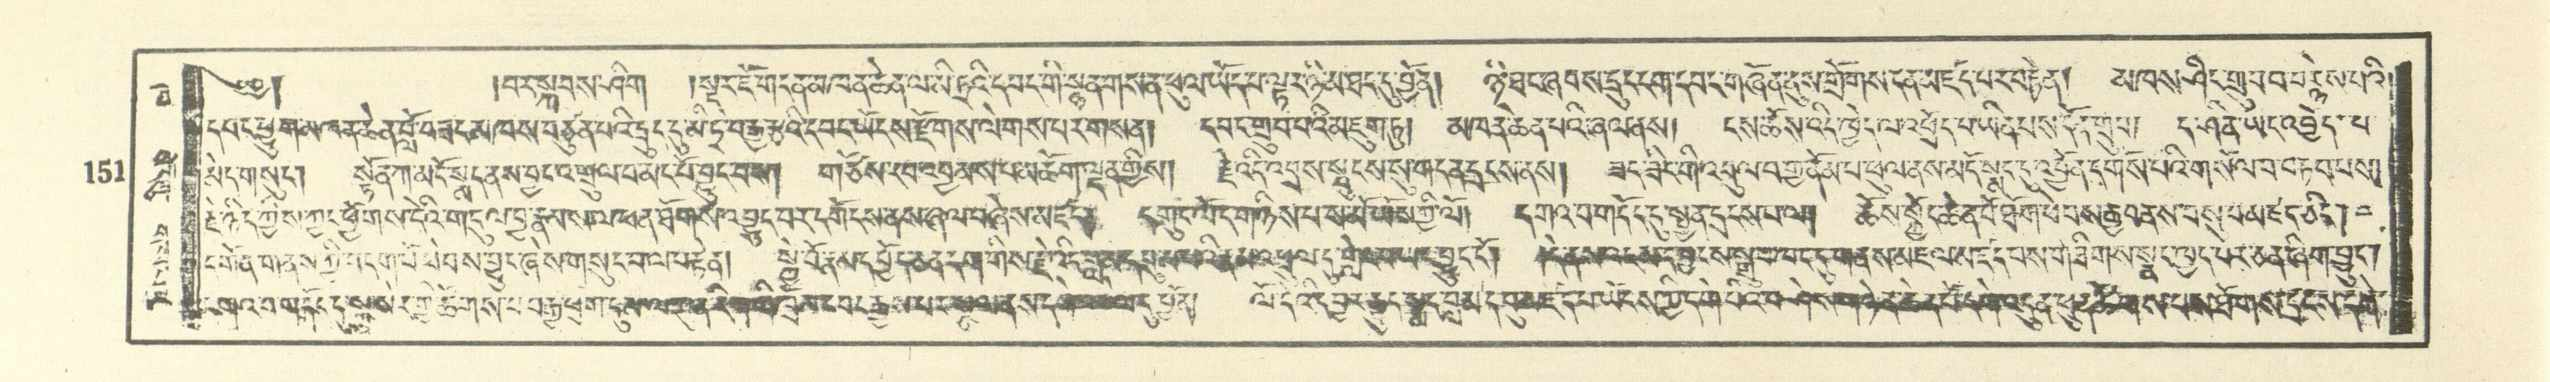༄༅། །བར་སྐབས་ཤིག །སྔར་ཇོ་གདན་མཁན་ཆེན་ལ་མི་ཏྲའི་དབང་གི་སྙན་གསན་ཕུལ་ཡོད་པ་ལྟར་ཉི་མ་ཐང་དུ་བྱོན། ཉི་ཐང་ཞབས་དྲུང་ངག་དབང་གཞོན་ནུས་གྲོགས་ངན་མཛད་པར་བརྟེན། མཁས་ཤིང་གྲུབ་པ་བརྙེས་པའི་
དབང་ཕྱུག་མཁན་ཆེན་བློ་བཟང་མཁས་བཙུན་པའི་དྲུང་དུ་མི་ཏྲ་བརྒྱ་རྩའི་དབང་ཡོངས་རྫོགས་ལེགས་པར་གསན། དབང་གྲུབ་པའི་མཇུག་ཏུ། མཁན་ཆེན་པའི་ཞལ་ནས། ངས་ཆོས་འདི་ཁྱེད་ལ་འཕྲོད་པ་ཡིན་པས་དོན་གྲུབ། ད་ཤི་ན་ཡང་འགྱོད་པ་
མེད་གསུང་། སྟོན་ཀ་མདོ་སྨད་ནས་བྱང་འགྲུལ་བ་མང་པོ་བྱུང་བས། གཙོས་རབ་འབྱམས་པ་མཆོག་ལྡན་གྱིས། རྗེ་འདི་འབྲས་སྤུངས་སུ་གདན་དྲངས་ནས། ཟང་ཟིང་གི་འབུལ་བ་གྱ་ནོམ་པ་ཕུལ་ནས་མདོ་སྨད་དུ་འབྱོན་དགོས་པའི་གསོལ་བ་བཏབ་པས།
རྗེ་ཉིད་ཀྱིས་ཀྱང་ཕྱོགས་དེའི་གདུལ་བྱ་རྣམས་ལ་ཕན་ཐོགས་འབྱུང་བར་དགོངས་ནས་ཞལ་བཞེས་མཛད། དགུང་ལོ་ང་གཉིས་པ་ས་མོ་ཡོས་ཀྱི་ལོ། དགའ་བ་གདོང་དུ་སྤྱན་དྲངས་པ་ལ། ཆོས་སྐྱོང་ཆེན་པོ་ཐོག་ཕེབས་རྒྱབ་ནས་བསུ་བ་མཛད་ཅིང་།
དགོན་གནས་ཀྱི་བདག་པོ་ཕེབས་བྱུང་ཞེས་གསུང་བ་ལ་བརྟེན། སྐྱེ་བོ་རྣམ་དཔྱོད་ཅན་དག་གིས་རྗེ་འདི་བླ་མ་དབུ་མ་པའི་རྣམ་འཕྲུལ་དུ་གླེང་བ་ཡང་བྱུང་ངོ། །དེ་ནས་འཇམ་དབྱངས་སྒྲུབ་ཁང་དུ་གནས་མཇལ་མཛད་པས་གཟིགས་སྣང་ཁྱད་པར་ཅན་ཞིག་བྱུང་།
དགའ་བ་གདོང་དུ་སྐྱ་སེར་གྱི་ཚོགས་པ་བརྒྱ་ཕྲག་དུམ་ལ་ཀུན་རིག་གི་ཁྲོམ་དབང་རྒྱས་པར་སྩལ་ནས་དགེ་འཕེལ་དུ་བྱོན། ལོ་དེའི་དབྱར་རྒྱུད་སྨད་བླ་མ་དབུ་མཛད་པ་ཡོངས་ཀྱི་དགེ་བའི་བཤེས་གཉེན་ཆེན་པོ་དགེ་འདུན་ཕུན་ཚོགས་པས་ཐོགས་དྲངས་དགེ་